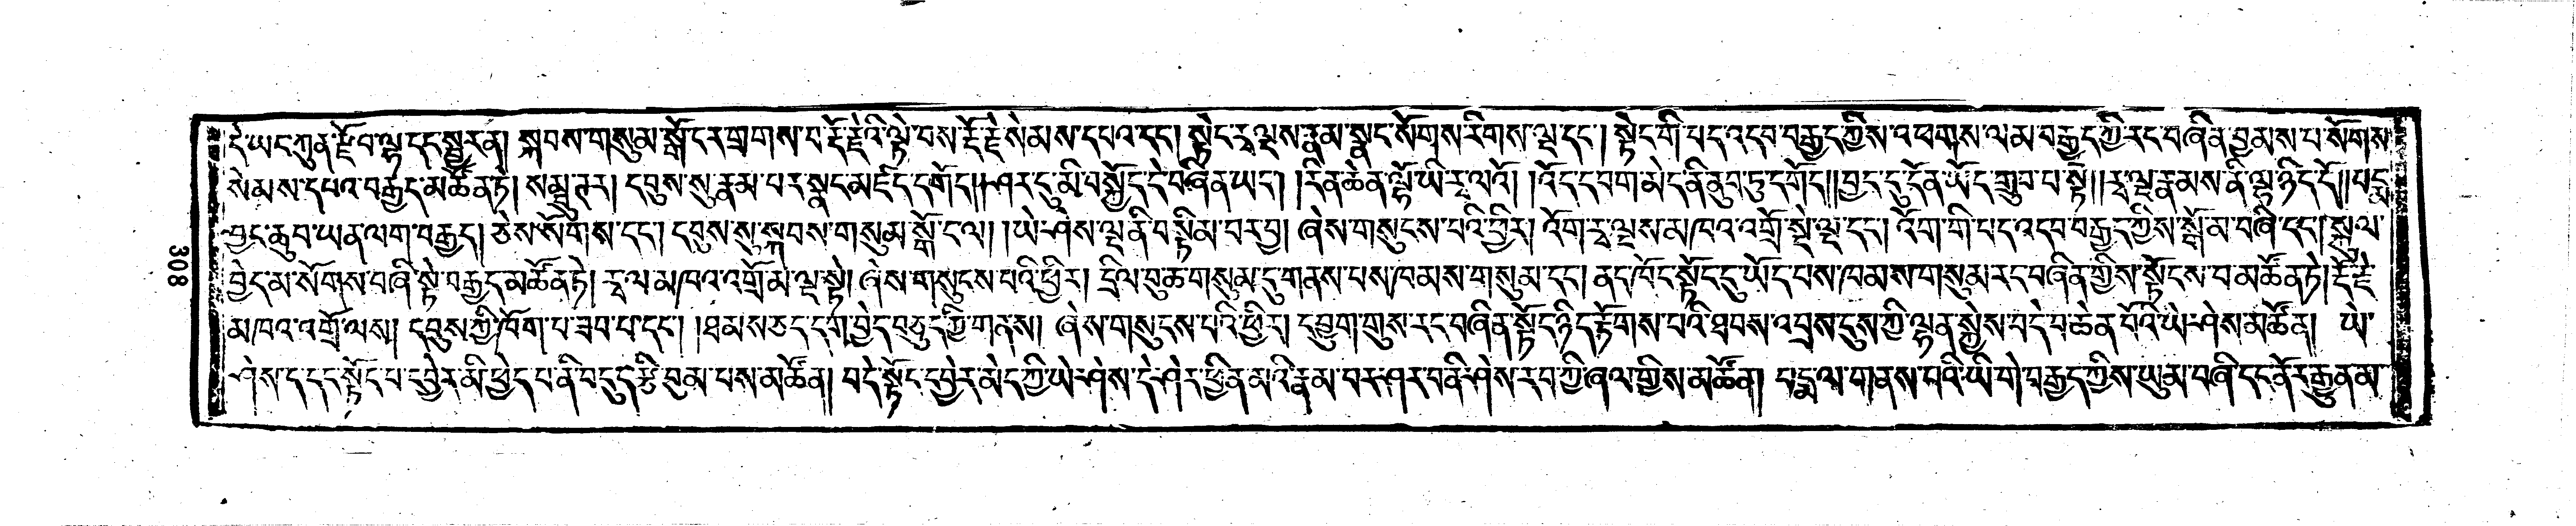དེ་ཡང་ཀུན་རྫོབ་ལྷ་དང་སྦྱར་ན། སྐབས་གསུམ་སྒོ་ངར་གྲགས་པ་རྡོ་རྗེའི་ལྟེ་བས་རྡོ་རྗེ་སེམས་དཔའ་དང་། སྟེང་རྭ་ལྔས་རྣམ་སྣང་སོགས་རིགས་ལྔ་དང་། སྟེང་གི་པད་འདབ་བརྒྱད་ཀྱིས་འཕགས་ལམ་བརྒྱད་ཀྱི་རང་བཞིན་བྱམས་པ་སོགས་
སེམས་དཔའ་བརྒྱད་མཚོན་ཏེ། སམྦུ་ཊར། དབུས་སུ་རྣམ་པར་སྣང་མཛད་དགོང་། །ཤར་དུ་མི་བསྐྱོད་དེ་བཞིན་ཡང་། །རིན་ཆེན་ལྷོ་ཡི་རྭ་ལའོ། །འོད་དཔག་མེད་ནི་ནུབ་ཏུ་དགོད། །བྱང་དུ་དོན་ཡོད་གྲུབ་པ་སྟེ། །རྭ་ལྔ་རྣམས་ནི་ལྷ་ཉིད་དོ། །པདམ་
བྱང་ཆུབ་ཡན་ལག་བརྒྱད། ཅེས་སོགས་དང་། དབུས་སུ་སྐབས་གསུམ་སྒོ་ང་ལ། །ཡེ་ཤེས་ལྔ་ནི་བསྟིམ་པར་བྱ། ཞེས་གསུངས་པའི་ཕྱིར། འོག་རྭ་ལྔས་མཁའ་འགྲོ་སྡེ་ལྔ་དང་། འོག་གི་པད་འདབ་བརྒྱད་ཀྱིས་སྒོམ་བཞི་དང་། སྐུལ་
བྱེད་མ་སོགས་བཞི་སྟེ་བརྒྱད་མཚོན་ཏེ། རྭ་ལ་མཁའ་འགྲོ་མ་ལྔ་སྟེ། ཞེས་གསུངས་པའི་ཕྱིར། དྲིལ་བུ་ཆ་གསུམ་དུ་གནས་པས་ཁམས་གསུམ་དང་། ནང་ཁོང་སྟོང་དུ་ཡོད་པས་ཁམས་གསུམ་རང་བཞིན་གྱིས་སྟོངས་བ་མཚོན་ཏེ། རྡོ་རྗེ་
མཁའ་འགྲོ་ལས། དབུས་ཀྱི་ཁོག་པ་ཟབ་པ་དང་། །ཐམས་ཅད་དག་བྱེད་བཅུད་ཀྱི་གནས། ཞེས་གསུངས་པའི་ཕྱིར། དབྱུག་གུས་རང་བཞིན་སྟོང་ཉིད་རྟོགས་པའི་ཐབས་འབྲས་དུས་ཀྱི་ལྷན་སྐྱེས་བདེ་བ་ཆེན་པོའི་ཡེ་ཤེས་མཚོན། ཡེ་
ཤེས་ད་དང་སྟོད་པ་དབྱེར་མི་ཕྱེད་པ་ནི་བདུད་རྩི་བུམ་པས་མཚོན། བདེ་སྟོང་དབྱེར་མེད་ཀྱི་ཡེ་ཤེས་དེ་ཤེར་ཕྱིན་མའི་རྣམ་པར་ཤར་བ་ནི་ཤེས་རབ་ཀྱི་ཞལ་གྱིས་མཚོན། པདམ་ལ་གནས་པའི་ཡི་གེ་བརྒྱད་ཀྱིས་ཡུམ་བཞི་དང་ནོར་རྒྱུན་མ་